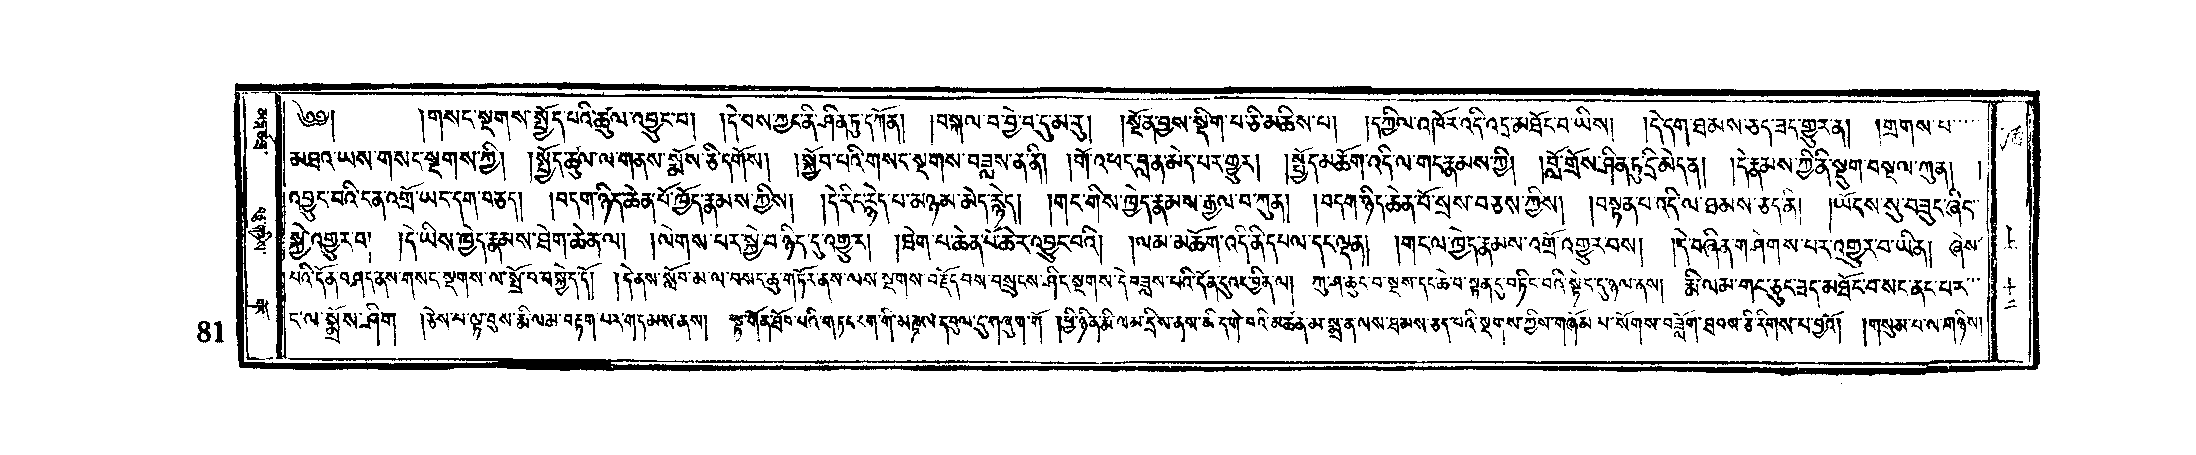༄༅། །གསང་སྔགས་སྤྱོད་པའི་ཚུལ་འབྱུང་བ། །དེ་བས་ཀྱང་ནི་ཤིན་ཏུ་དཀོན། །བསྐལ་བ་བྱེ་བ་དུ་མ་རུ། །སྔོན་བྱས་སྡིག་པ་ཅི་མཆིས་པ། །དཀྱིལ་འཁོར་འདི་འདྲ་མཐོང་བ་ཡིས། །དེ་དག་ཐམས་ཅད་ཟད་གྱུར་ན། །གྲགས་པ་
མཐའ་ཡས་གསང་སྔགས་ཀྱི། །སྤྱོད་ཚུལ་ལ་གནས་སྨོས་ཅི་དགོས། །སྐྱོབ་པའི་གསང་སྔགས་བཟླས་ན་ནི། །གོ་འཕང་བླ་ན་མེད་པར་གྱུར། །སྤྱོད་མཆོག་འདི་ལ་གང་རྣམས་ཀྱི། །བློ་གྲོས་ཤིན་ཏུ་དྲི་མེད་ན། །དེ་རྣམས་ཀྱི་ནི་སྡུག་བསྔལ་ཀུན། །
འབྱུང་བའི་ངན་འགྲོ་ཡང་དག་བཅད། །བདག་ཉིད་ཆེན་པོ་ཁྱོད་རྣམས་ཀྱིས། །དེ་རིང་རྙེད་པ་མཉམ་མེད་རྙེད། །གང་གིས་ཁྱེད་རྣམས་རྒྱལ་བ་ཀུན། །བདག་ཉིད་ཆེན་པོ་སྲས་བཅས་ཀྱིས། །བསྟན་པ་འདི་ལ་ཐམས་ཅད་ནི། །ཡོངས་སུ་བཟུང་ཞིང་
སྐྱེ་འགྱུར་བ། །དེ་ཡིས་ཁྱེད་རྣམས་ཐེག་ཆེན་ལ། །ལེགས་པར་སྐྱེ་བ་ཉིད་དུ་འགྱུར། །ཐེག་པ་ཆེན་པོ་ཆེར་འབྱུང་བའི། །ལམ་མཆོག་འདི་ནི་དཔལ་དང་ལྡན། །གང་ལ་ཁྱེད་རྣམས་འགྲོ་འགྱུར་བས། །དེ་བཞིན་གཤེགས་པར་འགྱུར་བ་ཡིན། ཞེས་
པའི་དོན་བཤད་ནས་གསང་སྔགས་ལ་སྤྲོ་བ་བསྐྱེད་དོ། །དེ་ནས་སློབ་མ་ལ་བསང་ཆུ་གཏོར་ནས་ལས་སྔགས་བརྗོད་བས་བསྲུངས་ཤིང་སྔགས་དེ་བཟླས་པའི་དོན་དུའང་བྱིན་ལ། ཀུ་ཤ་ཆུང་བ་སྔས་དང་ཆེ་བ་སྟན་དུ་བཏིང་བའི་སྟེང་དུ་ཉལ་ནས། རྨི་ལམ་གང་ཅུང་ཟད་མཐོང་བ་སང་ནང་པར་
ང་ལ་སྨྲོས་ཤིག །ཅེས་པ་ལྟ་བུས་རྨི་ལམ་བརྟག་པར་གདམས་ནས། སྟ་གོན་ཐོབ་པའི་གཏང་ངག་གི་མཎྜལ་དབུལ་དུ་གཞུག་གོ །ཕྱི་ཉིན་རྨི་ལམ་དྲིས་ནས་མི་དགེ་བའི་མཚན་མ་སྨྲ་ན་ལས་ཐམས་ཅད་པའི་སྔགས་ཀྱིས་གཞོམ་པ་སོགས་བཟློག་ཐབས་ཅི་རིགས་པ་བྱའོ། །གསུམ་པ་ལ་གཉིས་